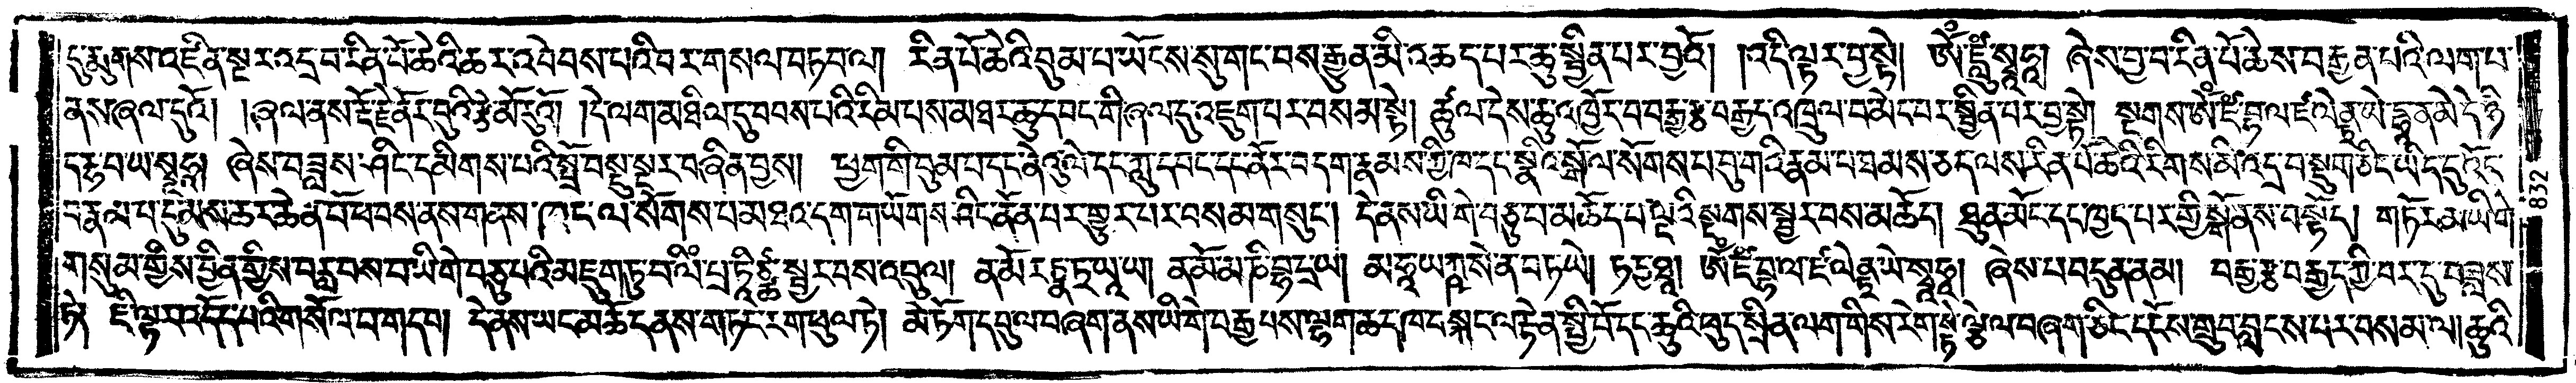དུ་རྨུགས་འཛིན་སྔར་འདྲ་བ་རིན་པོ་ཆེའི་ཆར་འབེབས་པའི་བར་གསལ་བཏབ་ལ། རིན་པོ་ཆེའི་བུམ་པ་ཡོངས་སུ་གང་བས་རྒྱུན་མི་འཆད་པར་ཆུ་སྦྱིན་པར་བྱའོ། །འདི་ལྟར་བྱ་སྟེ། ཨོཾ་ཛླུཾ་སྭཱཧཱ། ཞེས་བྱ་བ་རིན་པོ་ཆེས་བརྒྱན་པའི་ལག་པ་
ནས་ཞལ་དུའོ། །ཞལ་ནས་རྡོ་རྗེ་ནོར་བུའི་རྩེ་མོ་རུའོ། །དེ་ལག་མཐིལ་དུ་བབས་པའི་རིམ་པས་མཐར་ཆུ་དབང་གི་ཞལ་དུ་འཇུག་པར་བསམ་སྟེ། ཚུལ་དེས་ཆུ་འཁྱོར་བ་བརྒྱ་རྩ་བརྒྱད་འཁྲུལ་བ་མེད་པར་སྦྱིན་པར་བྱ་སྟེ། སྔགས་ཨོཾ་ཛཾ་བྷ་ལ་ཛ་ལེནྟྲ་ཡེ་དྷཱ་ན་མེ་དེ་ཧི་
ད་རྷ་པ་ཡ་སྭཱ་ཧཱ། ཞེས་བཟླས་ཤིང་དམིགས་པའི་སྤྲོ་བསྡུ་སྔར་བཞིན་བྱས། ཕྱག་གི་བུམ་པ་དང་ནེའུ་ལེ་དང་ཀླུ་དབང་དང་ནོར་བདག་རྣམས་ཀྱི་ཁ་དང་སྣའི་སྒོ་ལ་སོགས་པ་བུ་གའི་རྣམ་པ་ཐམས་ཅད་ལས་རིན་པོ་ཆེའི་རིགས་མི་འདྲ་བ་སྡུག་ཅིང་ཡིད་དུ་འོང་
བ་རྣམ་པ་དུ་མས་ཆར་ཆེན་པོ་ཕབས་ནས་གནས་ཁང་ལ་སོགས་པ་མཐའ་དག་གཡོགས་ཤིང་ནོན་པར་གྱུར་པར་བསམ་གསུང་། དེ་ནས་ཡི་གེ་བཅུ་པ་མཆོད་པ་ལྔའི་སྔགས་སྦྱར་བས་མཆོད། ཐུན་མོང་ནང་ཁྱད་པར་གྱི་སྒོ་ནས་བསྟོད། གཏོར་མ་ཡི་གེ་
གསུམ་གྱིས་བྱིན་གྱིས་བརླབས་པ་ཡི་གེ་བཅུ་པའི་མཇུག་ཏུ་བ་ལིཾ་པྲ་ཏཱི་ཙྪ་སྦྱར་བས་འབུལ། ན་མོ་རཏྣ་ཏྲ་ཡཱ་ཡ། ན་མོ་མ་ཎི་བྷ་དྲ་ཡ། མ་ཧཱ་ཡཀྵ་སེ་ན་བཏ་ཡེ། ཏདྱ་ཐཱ། ཨོཾ་ཛ་བྷ་ལ་ཛ་ལེནྟྲ་ཡེ་སྭཱ་ཧཱ། ཞེས་པ་བདུན་ནམ། བརྒྱ་རྩ་བརྒྱད་ཀྱི་བར་དུ་བཟླས་
ཏེ། ཇི་ལྟར་འདོད་པའི་གསོལ་བ་གདབ། དེ་ནས་ཡང་མཆོད་ནས་གཏང་རག་ཕུལ་ཏེ། མེ་ཏོག་དབུལ་བཞག་ནས་ཡི་གེ་བརྒྱ་པས་ལྷག་ཆད་ཁ་བསྐང་ལ་རྟེན་སྦྱི་པོ་དང་ཆུའི་ཕུད་སྲིན་ལག་གིས་རིག་སྟེ་ལྕེལ་བཞག་ཅིང་དོང་བགྲུབ་བླངས་པར་བསམ་ལ། ཀླུ་